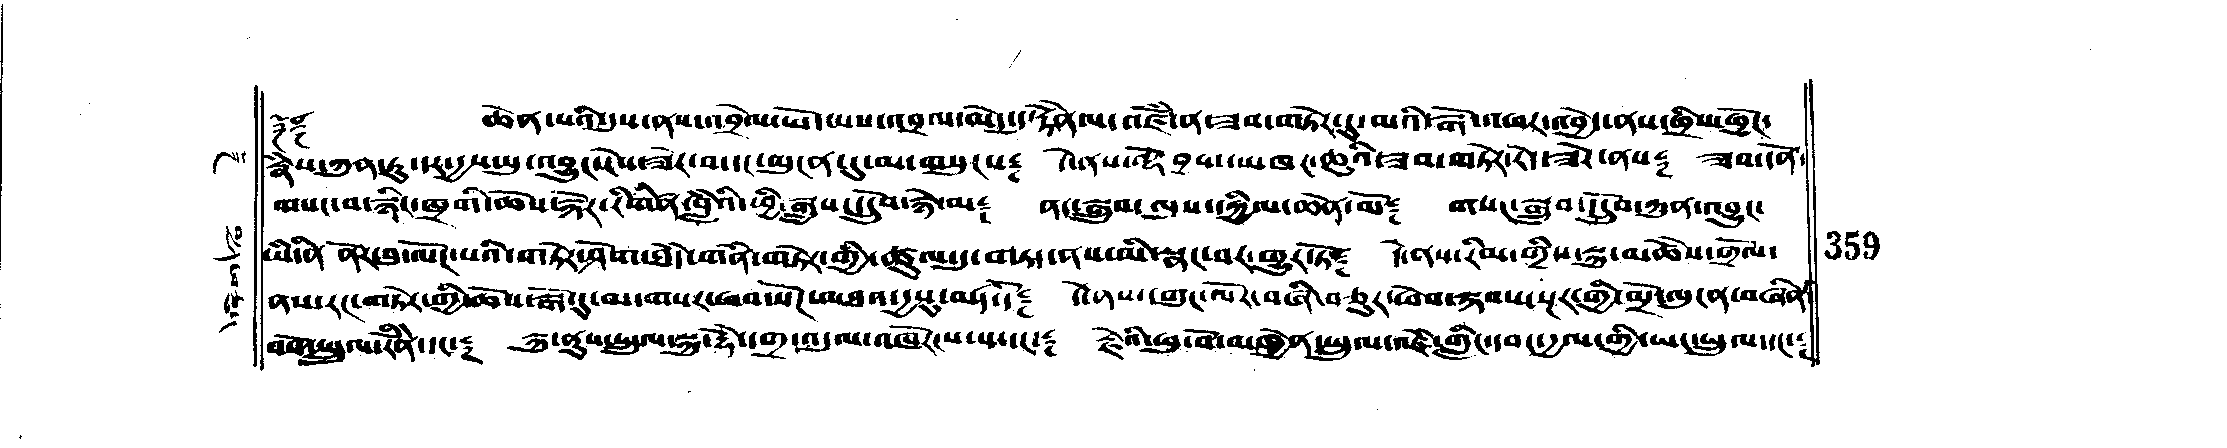ཆེན་པའི་དུས་ནས་འབྲེལ་ཡོད་པས་འབྲལ་མེད་དུ་རྟེན་འབྲེལ་འཛོམ་ན་ཟབ་གཏེར་དུ་མའི་སྒོ་འཕར་འབྱེད་ནས་ཕྲིན་ལས་ཕྱོགས་
རྣམས་ཀུན་ཏུ་དར་རྒྱས་སུ་འབྱུང་ངེས་ཟེར་བ་དང་ལུང་བསྟན་དུ་མ་གསུངས། དེ་ནས་ལྷོ་བྲག་མཁར་ཆུའི་ཟབ་གཏེར་རེད་ཟེར་ནས། ཟབ་དོན་
གསང་བ་སྙིང་ཁྲག་གི་ཆོས་སྐོར་རིག་འཛིན་བླ་མའི་ཕྱི་སྒྲུབ་དངོས་གྲུབ་སྙེ་མ།ནང་སྒྲུབ་ལུས་དཀྱིལ་ཆེན་མོ། གསང་སྒྲུབ་དངོས་གྲུབ་ཀུན་འབྱུང་
ཡིད་བཞིན་ནོར་བུ་ལ་སོགས་པའི་གཏེར་ཤོག་ཐམས་ཅད་གནམ་གཏེར་གྱི་ཚུལ་དུ་གཏད་ནས་མི་སྣང་བར་གྱུར་ཏོ། དེ་ནས་རིམ་གྱིས་སྐུ་མཚམས་གྲོལ་
ནས་རང་གཏེར་གྱི་ཆོས་སྒོ་དུ་མ་གསར་ཕབ་སོགས་མཐར་རྒྱས་སུ་མཛད་དོ། དེ་ནས་དགུང་ལོ་བཞི་བཅུར་ཕེབ་སྐབས་སྔར་གྱི་མཁའ་འགྲོའི་ལུང་བསྟན་བཞིན་
བསོ་སྤྲུལ་རིན་པོ་ཆེ་དང་། སྐུ་ནུས་སྤྲུལ་སྐུ་རྡོ་རྗེ་དགྲ་འདུལ་འཁོར་དང་བཅས་པ་དང་། རྗེའི་ཕུ་བོ་མཁྱེན་སྤྲུལ་འཛམ་གླིང་དབང་རྒྱལ་གྱི་ཡང་སྤྲུལ་དང་།